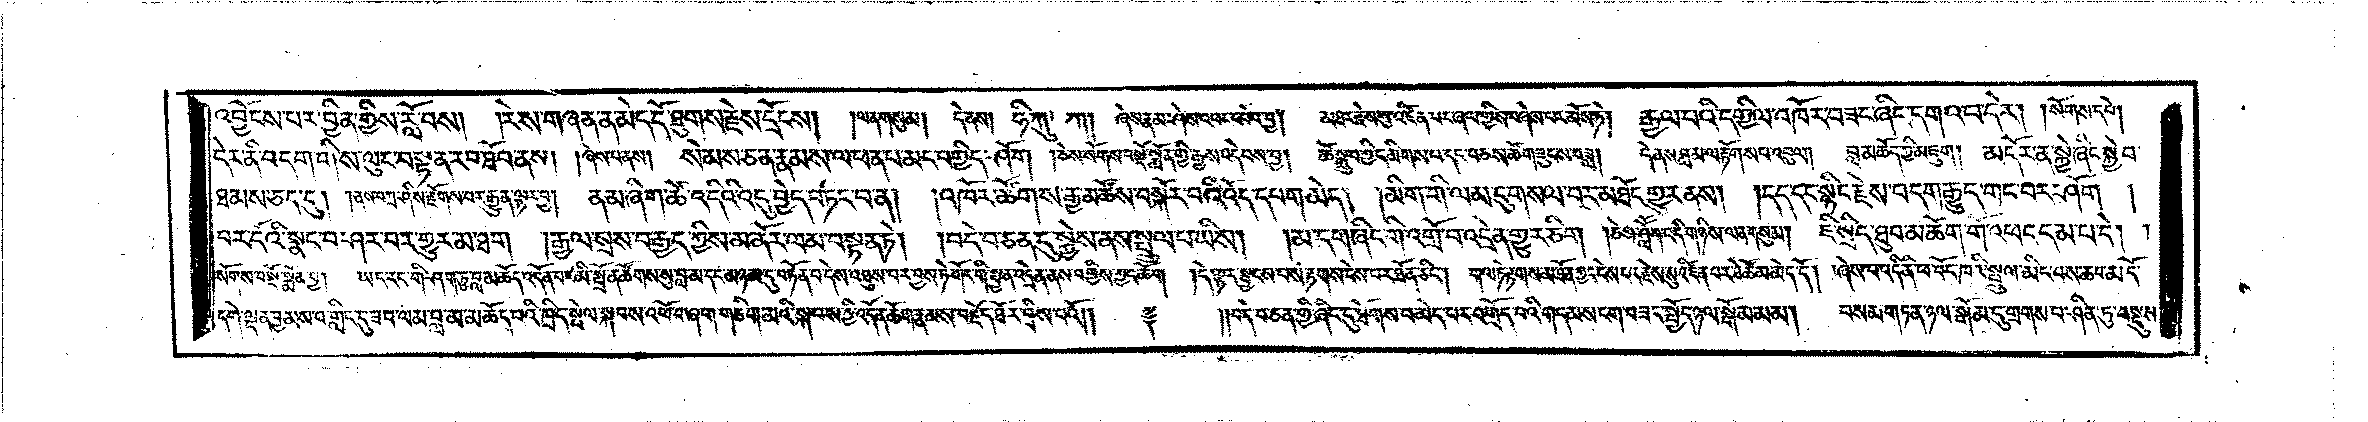འབྱི་བས་བར་བྱིན་གྱིས་རློབས། །རེས་གཞན་ན་མེད་དོ་ཐུགས་རྗེས་དྲོངས། །ལན་གསུམ། དེ་ནས།  ཧིཀུ། ཀ། ཞེས་རྣམ་ཤེས་འཕང་དབེབ་བྱ། མཐར་རྗེས་སུ་འཛིན་པར་ཞལ་གྱིས་ཞེས་པར་མོས་ཏེ།  རྒྱལ་བའི་དཀྱིལ་འཁོར་བཟང་ཞིང་དགའ་བ་དེར། །སོགས་དགེ་
དེར་ནི་བདག་གིས་ལུང་བསྟན་རབ་ཐོབ་ནས། །ཞེས་པ་ནས།  སེམས་ཅན་རྣམས་ལ་ཕན་པ་མང་བགྱིད་ཤོག་།ཅེས་སོགས་བསྔོ་སྨོན་གྱི་རྒྱས་འདེབས་བྱ། ཚེ་སྒྲུབ་ཀྱི་དམིགས་པ་དང་བཅས་ཚེ་གཟུངས་བཟླ། དེ་ནས་བླ་མ་ལ་རྟོགས་པ་འབུལ། བླ་མཆོད་ཀྱི་མཇུག།  མདོར་ན་སྐྱེ་ཞིང་སྐྱེ་བ་
ཐམས་ཅད་དུ། །ནས་བཀྲ་ཤིས་རྫོགས་པར་རྒྱུན་ལྟར་བྱ།  ནམ་ཞིག་ཚེ་འདིའི་འདུ་བྱེད་བཏང་བ་ན། །འཁོར་ཚོགས་རྒྱ་མཚོས་བསྐོར་བའི་འོད་དཔག་མེད། །མིག་གི་ལམ་དུ་གསལ་བར་མཐོང་གྱུར་ནས། །དད་དང་སྙིང་རྗེས་བདག་རྒྱུད་གང་བར་ཤོག །
བར་དོའི་སྣང་བ་ཤར་བར་གྱུར་མ་ཐག །རྒྱལ་སྲས་བརྒྱད་ཀྱིས་མ་ནོར་ལམ་བསྟན་ཏེ། །བདེ་བ་ཅན་དུ་སྐྱེས་ནས་སྤྲུལ་པ་ཡིས། །མ་དག་ཞིང་གི་འགྲོ་བ་འདྲེན་གྱུར་ཅིག་།ཅེས་ཤླཽཀ་འདི་གཉིས་ལན་གསུམ།  ཇི་སྲིད་ཐུབ་མཆོག་གོ་འཕང་དམ་པ་དེ། །
སོགས་བསྔོ་སྨོན་བྱ། ཡང་རང་གི་ཤག་ཏུ་བླ་མཆོད་འདོན་བཛྲ་མི་སྤྲོན་ཚོགས་སུ་བླ་མ་དང་མཉམ་དུ་བཏོན་བ་དེས་འཐུས་བར་བྱས་ཏེ་གོང་གི་སྤྱན་འདྲེན་ནས་བགྱིས་ཀྱང་ཆོག །དེ་ལྟར་སྦྱངས་བས་རྟགས་ངེས་པར་ཐོན་ཅིང་། གལ་ཏེ་རྟགས་མཐོན་ཀྱང་ངེས་པར་རྗེས་སུ་འཛིན་པར་ཐེ་ཚོམ་མེད་དོ། །ཞེས་པ་འདི་ནི་ཕ་བོང་ཁའི་སྤྲུལ་མིང་བས་ཆབ་མདོ་
དགེ་ལྡན་བྱམས་བ་གླིང་དུ་ཟབ་ལམ་བླ་མ་མཆོད་བའི་ཁྲིད་སྤེལ་སྐབས་འཕོ་བ་ཞག་གཅིག་མའི་སྐབས་ཀྱི་འདོན་ཆོག་རྣམས་བརྗོད་ཐོར་བྲིས་པའོ།། ༈ །།བདེ་བ་ཅན་གྱི་ཞིང་དུ་ཐོགས་བ་མེད་པར་འགྲོད་པའི་གདམས་ངག་བཟང་སྤྱོད་ཉལ་སྒོམ་མམ། བསམ་གཏན་ཉལ་སྒོམ་དུ་གྲགས་པ་ཤིན་ཏུ་བསྡུས་